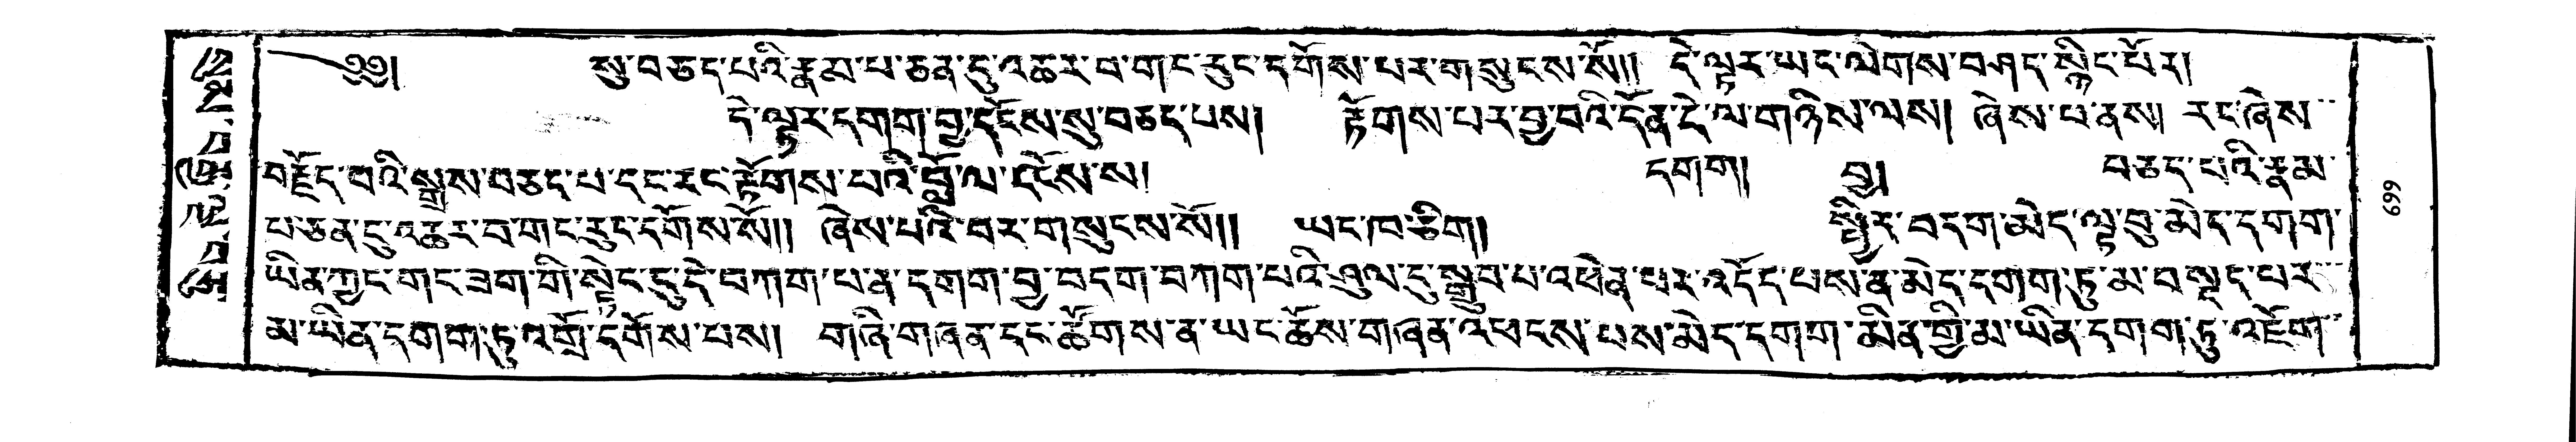༄༅། །སུ་བཅད་པའི་རྣམ་པ་ཅན་དུ་འཆར་བ་གང་རུང་དགོས་པར་གསུངས་སོ།། དེ་ལྟར་ཡང་ལེགས་བཤད་སྙིང་པོར།
དེ་ལྟར་དགག་བྱ་དངོས་སུ་བཅད་པས། རྟོགས་པར་བྱ་བའི་དོན་དེ་ལ་གཉིས་ལས། ཞེས་པ་ནས། རང་ཞེས་
བརྗོད་པའི་སྒྲས་བཅད་པ་དང་རང་རྟོགས་པའི་བློ་ལ་དངོས་ས། དགག། བྱ། བཅད་པའི་རྣམ་
པ་ཅན་དུ་འཆར་བ་གང་རུང་དགོས་སོ།། ཞེས་པའི་བར་གསུངས་སོ།། ཡང་ཁ་ཅིག། སྤྱིར་བདག་མེད་ལྟ་བུ་མེད་དགག་
ཡིན་ཀྱང་གང་ཟག་གི་སྟེང་དུ་དེ་བཀག་པ་ན་དགག་བྱ་བདག་བཀག་པའི་ཤུལ་དུ་སྒྲུབ་པ་འཕེན་པར་འདོད་པས་ན་མེད་དགག་ཏུ་མ་བསྡད་པར་
མ་ཡིན་དགག་ཏུ་འགྲོ་དགོས་པས། གཞི་གཞན་དང་ཚོགས་ན་ཡང་ཆོས་གཞན་འཕངས་པས་མེད་དགག་མིན་གྱི་མ་ཡིན་དགག་ཏུ་འཇོག་